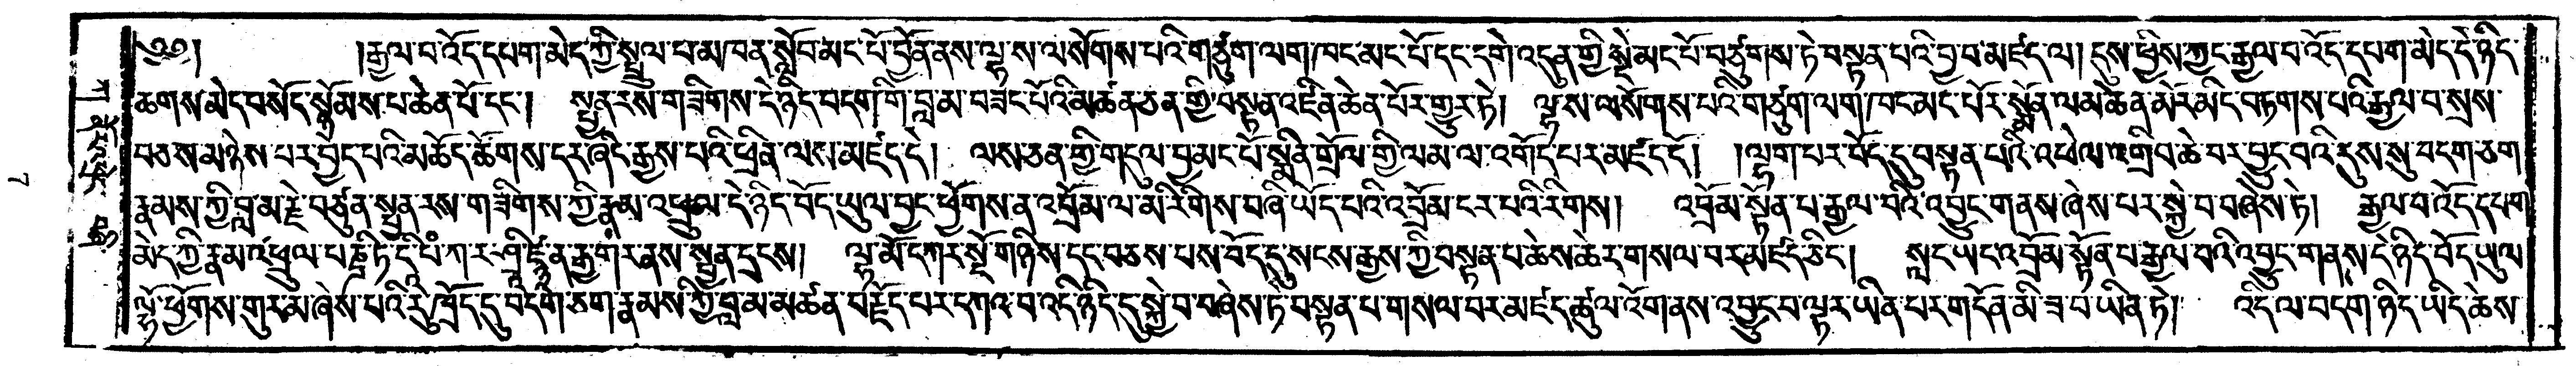༄༅། །རྒྱལ་པ་འོད་དཔག་མེད་ཀྱི་སྤྲུལ་པ་མཁན་སློབ་མང་པོ་བྱོན་ནས་ལྷ་ས་ལ་སོགས་པའི་གཙུག་ལག་ཁང་མང་པོ་དང་དགེ་འདུན་གྱི་སྡེ་མང་པོ་བཙུགས་ཏེ་བསྟན་པའི་བྱ་བ་མཛད་ལ། དུས་ཕྱིས་ཀྱང་རྒྱལ་བ་འོད་དཔག་མེད་དེ་ཉིད་
ཆགས་མེད་བསོད་སྙོམས་པ་ཆེན་པོ་དང་། སྤྱན་རས་གཟིགས་དེ་ཉིད་བདག་གི་བླ་མ་བཟང་པོའི་མཚན་ཅན་གྱི་བསྟན་འཛིན་ཆེན་པོར་གྱུར་ཏེ། ལྷ་ས་ལ་སོགས་པའི་གཙུག་ལག་ཁང་མང་པོར་སྨོན་ལམ་ཆེན་མོར་མིང་བཏགས་པའི་རྒྱལ་བ་སྲས་
བཅས་མཉེས་པར་བྱེད་པའི་མཆོད་ཚོགས་དར་ཞིང་རྒྱས་པའི་ཕྲིན་ལས་མཛད་དེ། ལས་ཅན་གྱི་གདུལ་བྱ་མང་པོ་སྨིན་གྲོལ་གྱི་ལམ་ལ་འགོད་པར་མཛད་དོ། །ལྷག་པར་བོད་དུ་བསྟན་པའི་འཕེལ་འགྲིབ་ཆེ་བར་བྱུང་བའི་དུས་སུ་བདག་ཅག་
རྣམས་ཀྱི་བླ་མ་རྗེ་བཙུན་སྤྱན་རས་གཟིགས་ཀྱི་རྣམ་འཕྲུལ་དེ་ཉིད་བོད་ཡུལ་བྱང་ཕྱོགས་ན་འབྲོམ་ལ་མི་རིགས་བཞི་ཡོད་པའི་འབྲོམ་ངར་པའི་རིགས། འབྲོམ་སྟོན་པ་རྒྱལ་བའི་འབྱུང་གནས་ཞེས་པར་སྐྱེ་བ་བཞེས་ཏེ། རྒྱལ་བ་འོད་དཔག་
མེད་ཀྱི་རྣམ་འཕྲུལ་པཎྜི་ཏ་དཱི་པཾ་ཀ་ར་ཤྲཱི་ཛྙཱ་ན་རྒྱ་གར་ནས་སྤྱན་དྲངས། ལྷ་མོ་དཀར་སྔོ་གཉིས་དང་བཅས་པས་བོད་དུ་སངས་རྒྱས་ཀྱི་བསྟན་པ་ཆེས་ཆེར་གསལ་བར་མཛད་ཅིང་། སླང་ཡང་འབྲོམ་སྟོན་པ་རྒྱལ་བའི་འབྱུང་གནས་དེ་ཉིད་བོད་ཡུལ་
ལྷོ་ཕྱོགས་གུར་མ་ཞེས་པའི་རུ་ཁྲོད་དུ་བདག་ཅག་རྣམས་ཀྱི་བླ་མ་མཚན་བརྗོད་པར་དཀའ་བ་འདི་ཉིད་དུ་སྐྱེ་བ་བཞེས་ཏེ་བསྟན་པ་གསལ་བར་མཛད་ཚུལ་འོག་ནས་འབྱུང་བ་ལྟར་ཡིན་པར་གདོན་མི་ཟ་བ་ཡིན་ཏེ། འདི་ལ་བདག་ཉིད་ཡིད་ཆེས་